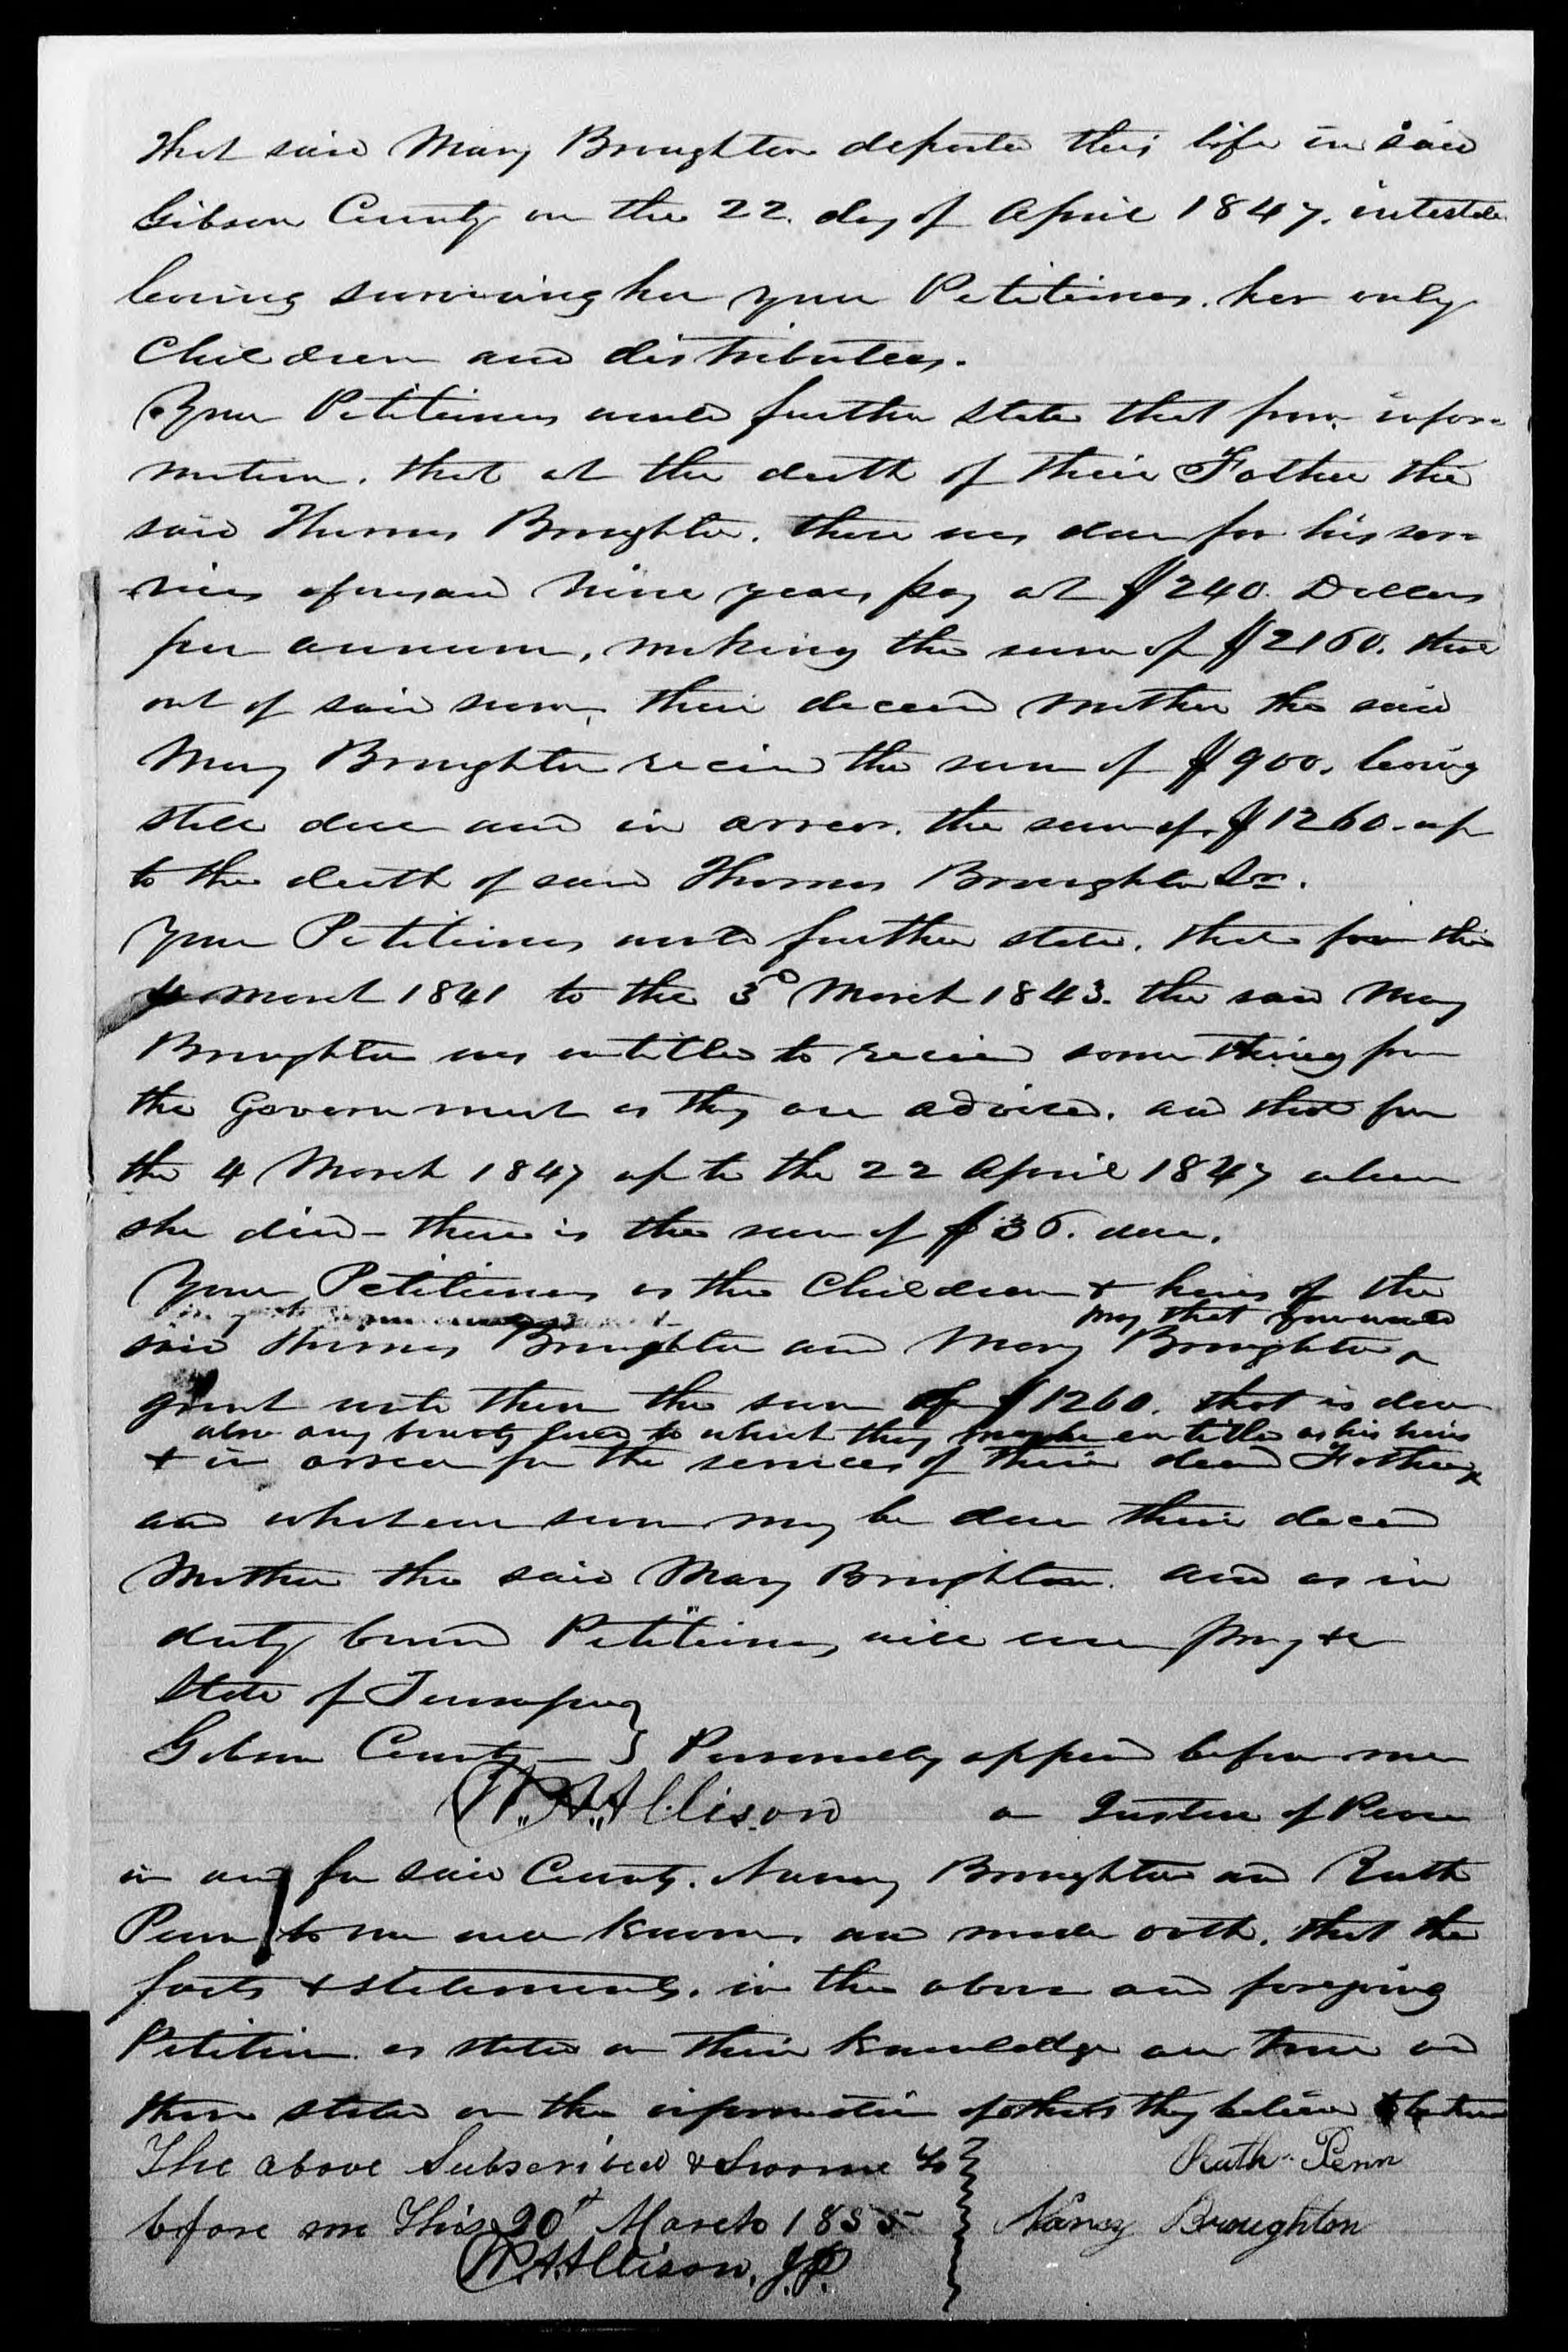That said Mary Broughton departed this life in said Gibson County on the 22 day of April 1847 intestate leaving surviving her your Petitioners her only children and distributees.

Your Petitioners further state that from information, that at the death of their Father the said Thomas Broughton, there is due for his services aforesaid nine years pay at $240 Dollars per annum, making the sum of $2160, that out of said sum their dec'd mother the said Mary Broughton receive the sum of $900, being still due and in arrears, the sum of $1260 up to the death of said Thomas Broughton

Your Petitioner also further states that from the 4 March 1841 to the 3d March 1843 the said Mary
Broughton is entitled to receive some thing from the Government as they are advised, and that for
the 4 March 1847 of to the 22 April 1847 when she died-- there is the sum of $36, due

Your Petitioners as the children & heirs of the  said Thomas Broughton and Mary Broughton may that forward grant unto them the sum of $1260. that is due along with any money in which they are entitled as his heirs & in arrears for the service of their dead Father, and whichever sum may be due their dec'd Mother the said Mary Broughton and as in duty bound Petitioner will pay &c

State of Tennessee
Gibson County 
Personally append before me A. Allison a Justice of Peace in and for said County, Nancy Broughton and Ruth Penn to me and known and made oath that the facts & statements in the above and foregoing Petition as stated on their knowledge are true in then stated on the information of others they believe to be true
[signed] Ruth Penn
Nancy Broughton
The above Subscribed & Sworn to before me this 20th March 1835
W.A. Allison J.P.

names: Mary Broughton, Ruth Penn, W A Allison, Mary Broughton, W A Allison, Nancy Broughton, Thomas Broughton, Mary Broughton, Ruth Penn, Thomas Broughton, Mary Broughton, Thomas Broughton, Nancy Broughton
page: 44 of 72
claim: widow's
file: W. 897, Thomas Broughton, S.C.